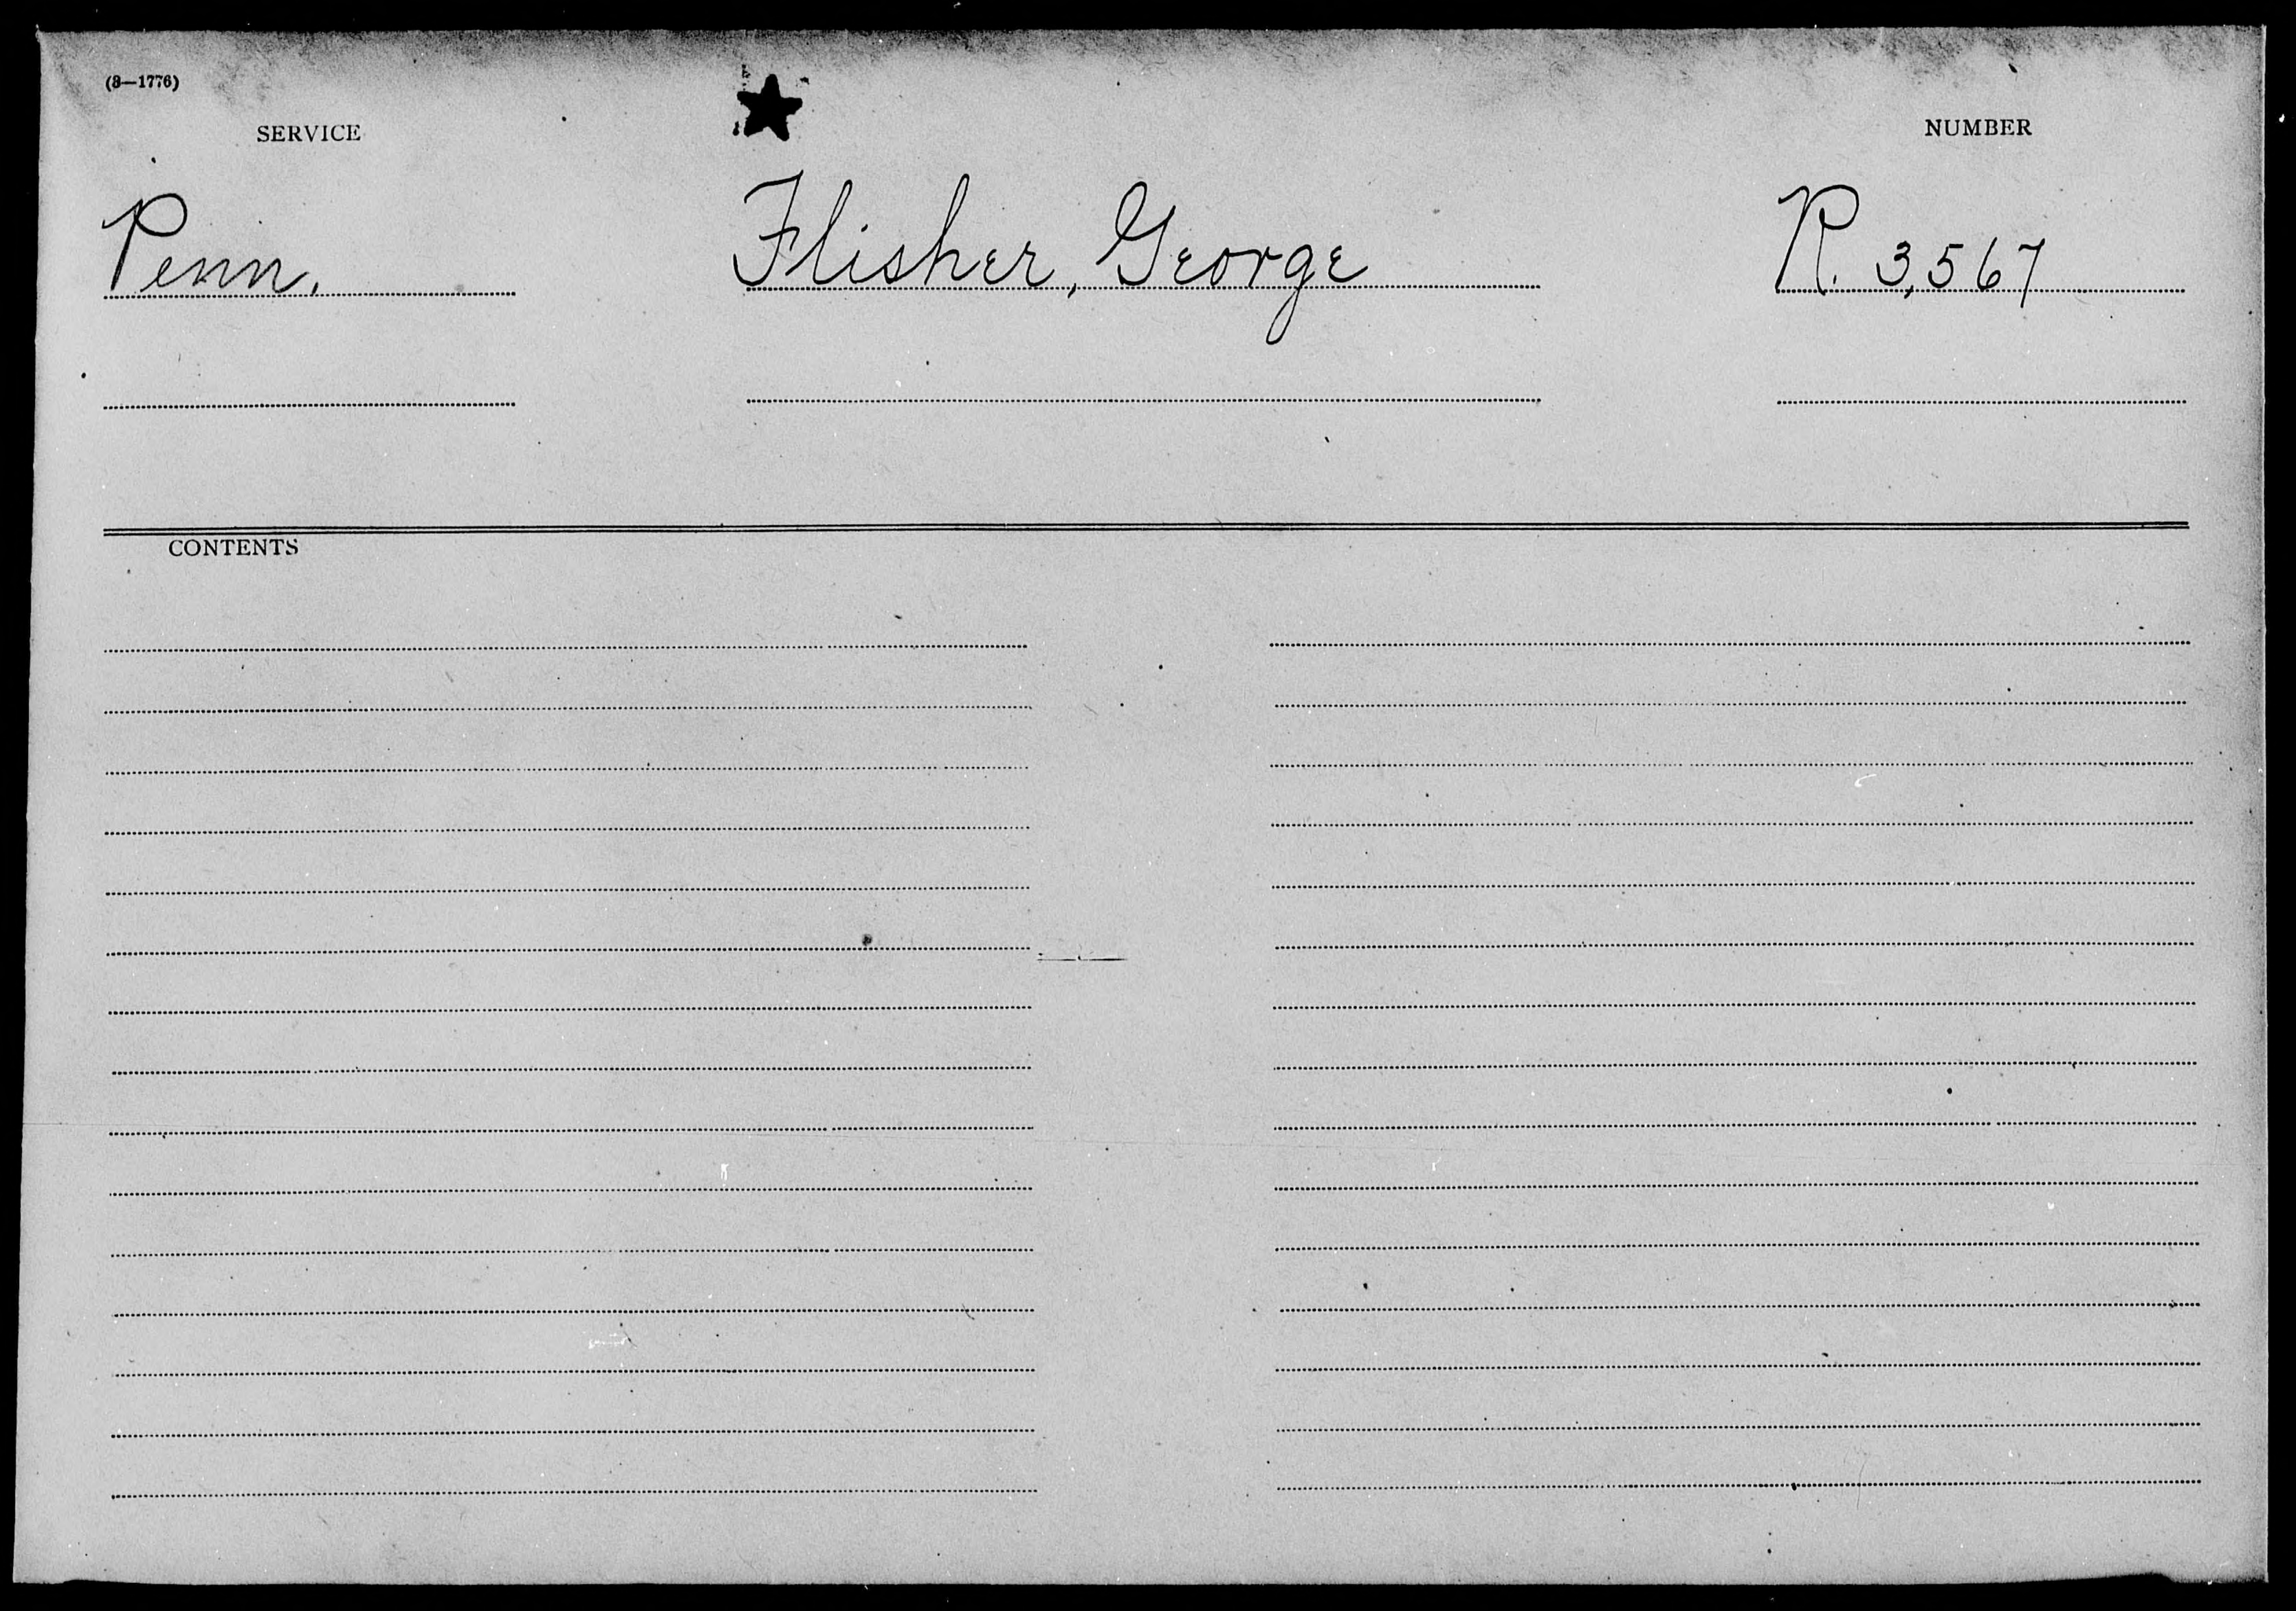[notecard]
[upper left]
SERVICE
Penn.
[Center]
Flisher, George
[upper right]
NUMBER
R.3567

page: 1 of 7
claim: rejected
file: R. 3,567, Flisher George, Penn.